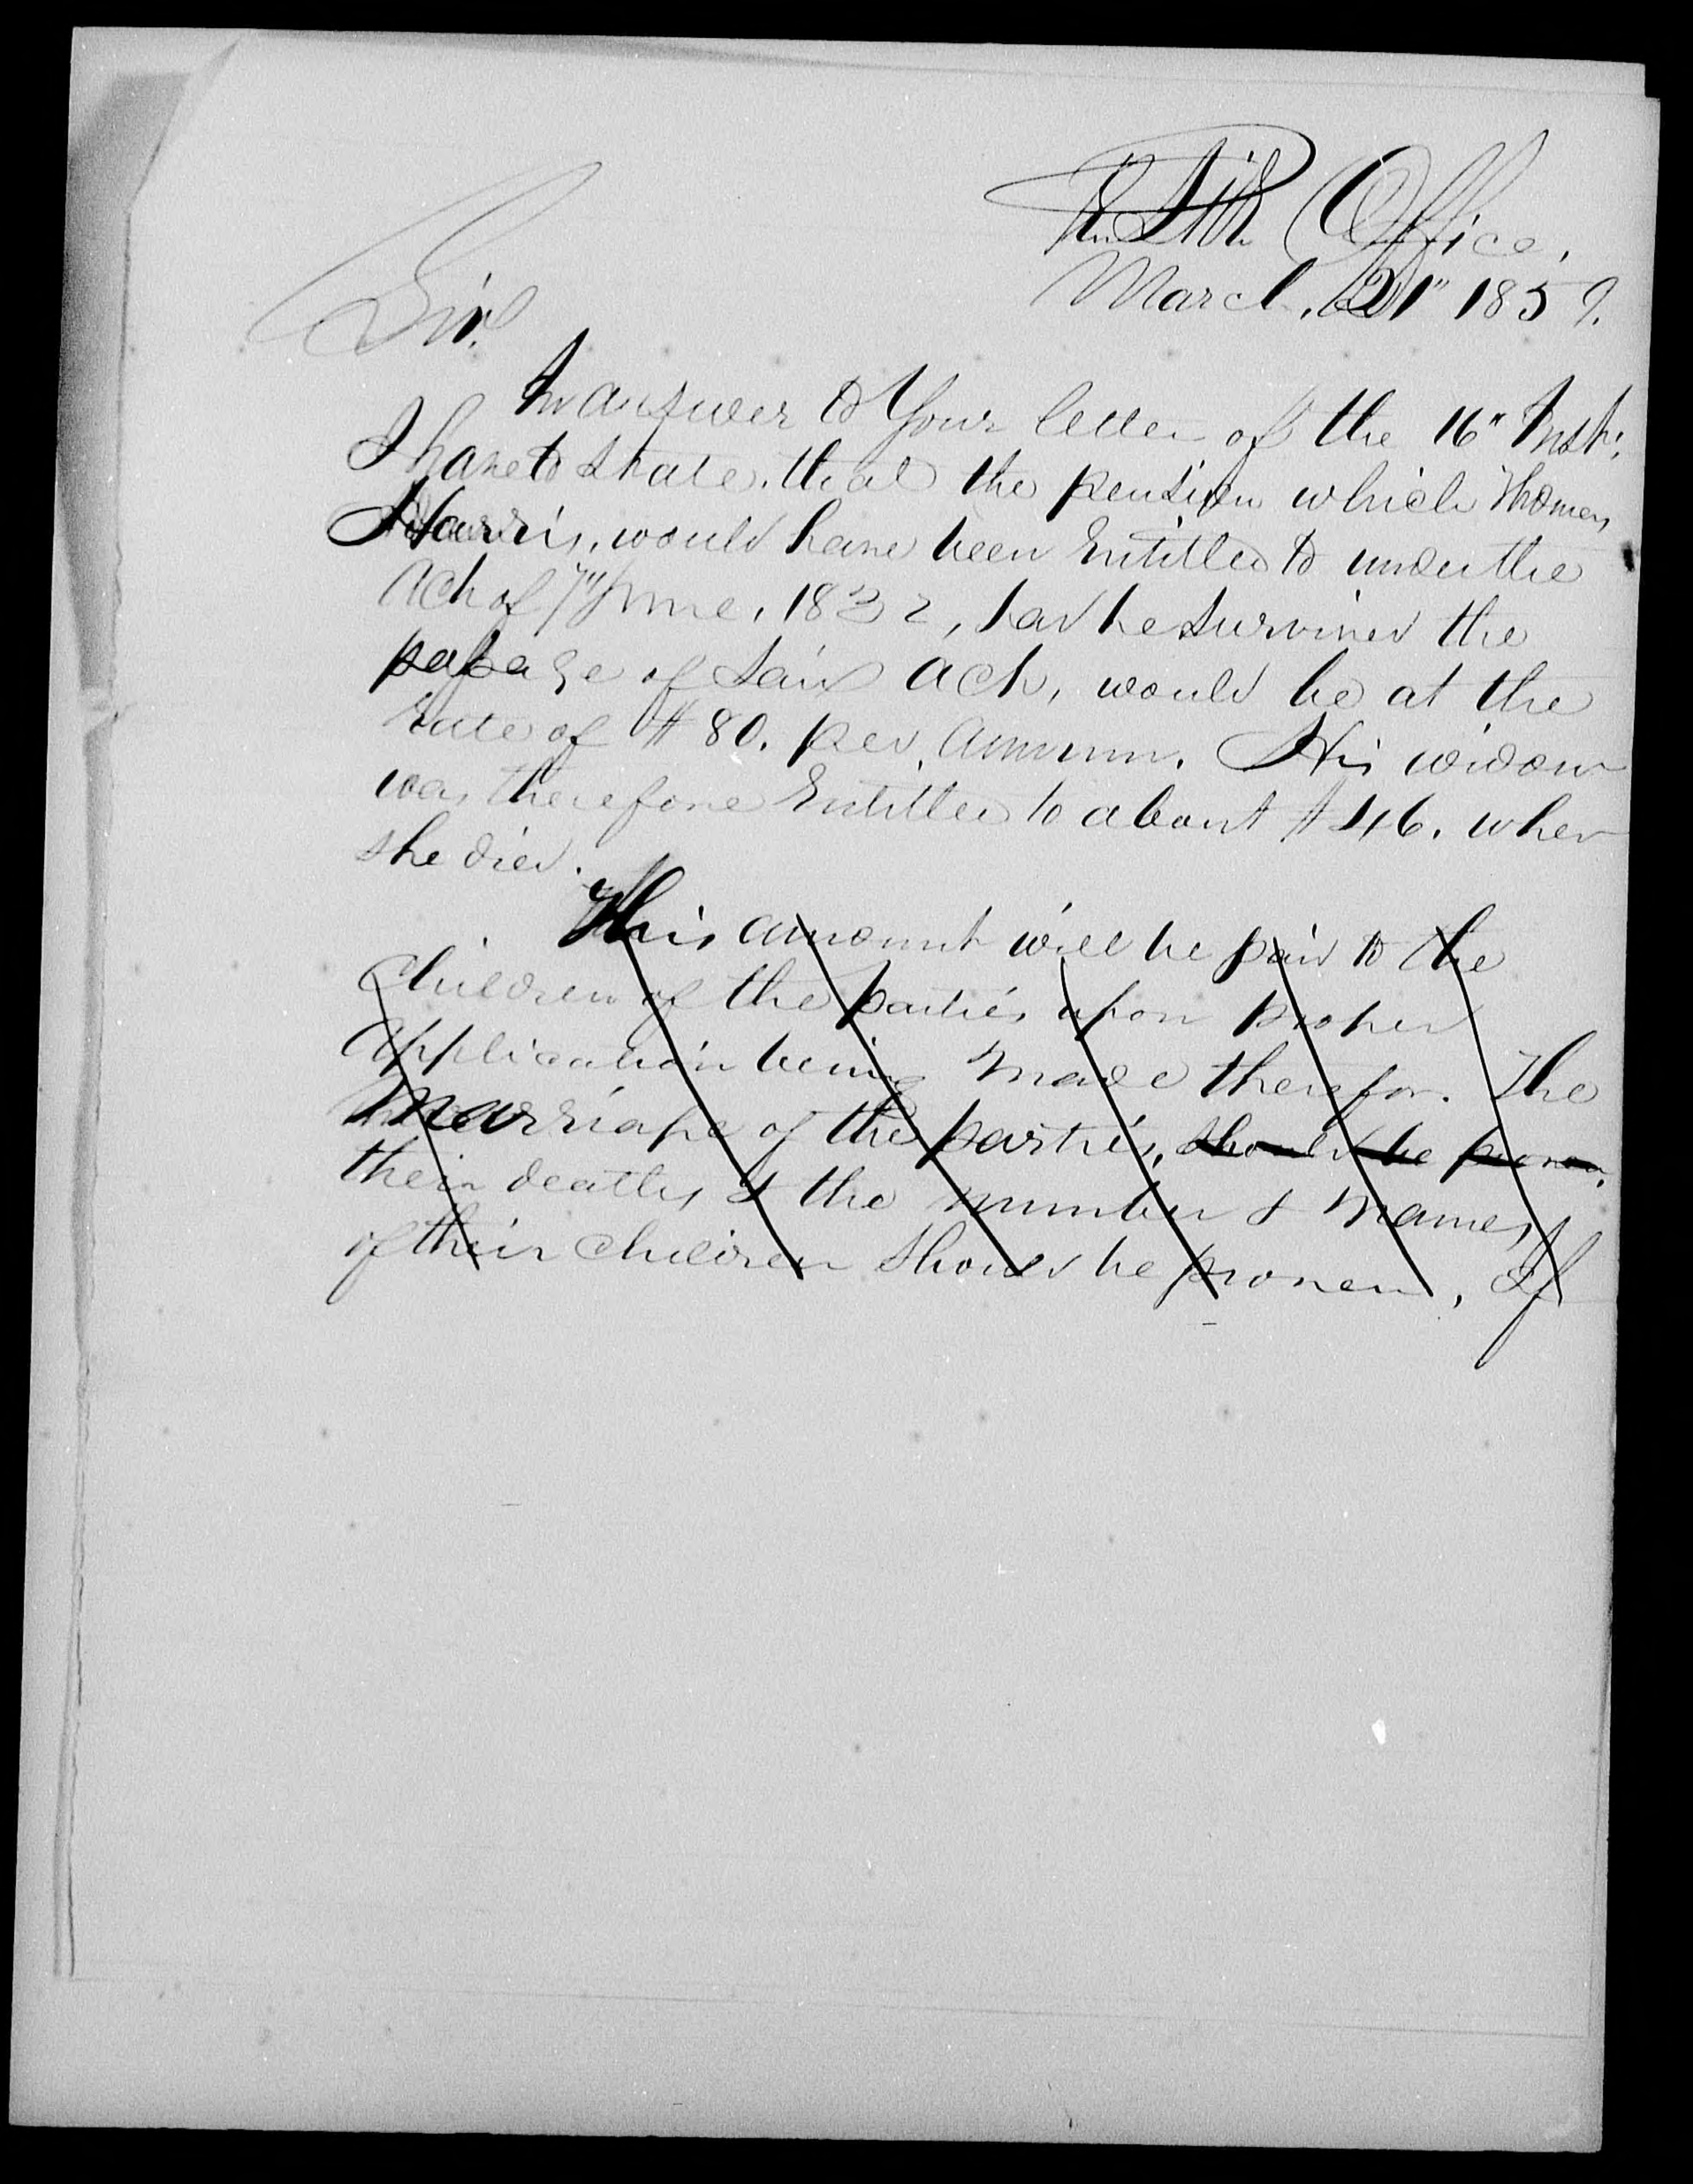. Office
March 21 1859

Sir
In answer to your letter of the 16th Inst.
I have to state that the pension which Thomas
Harris, would have been entitled to under the
Act of June 1832, had he survived the
passage of said act, would be at the
rate of $80. per annum. His widow
was therefore entitled to about $46, when
she died
This amount will be paid to the
Children of the parties upon this
application being made there for the
Marriage of the parties
their deaths & the number & name,
of their children should be proven,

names: Thomas Harris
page: 36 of 41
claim: widow's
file: W. 9819, Nathaniel Cumings, Vt.